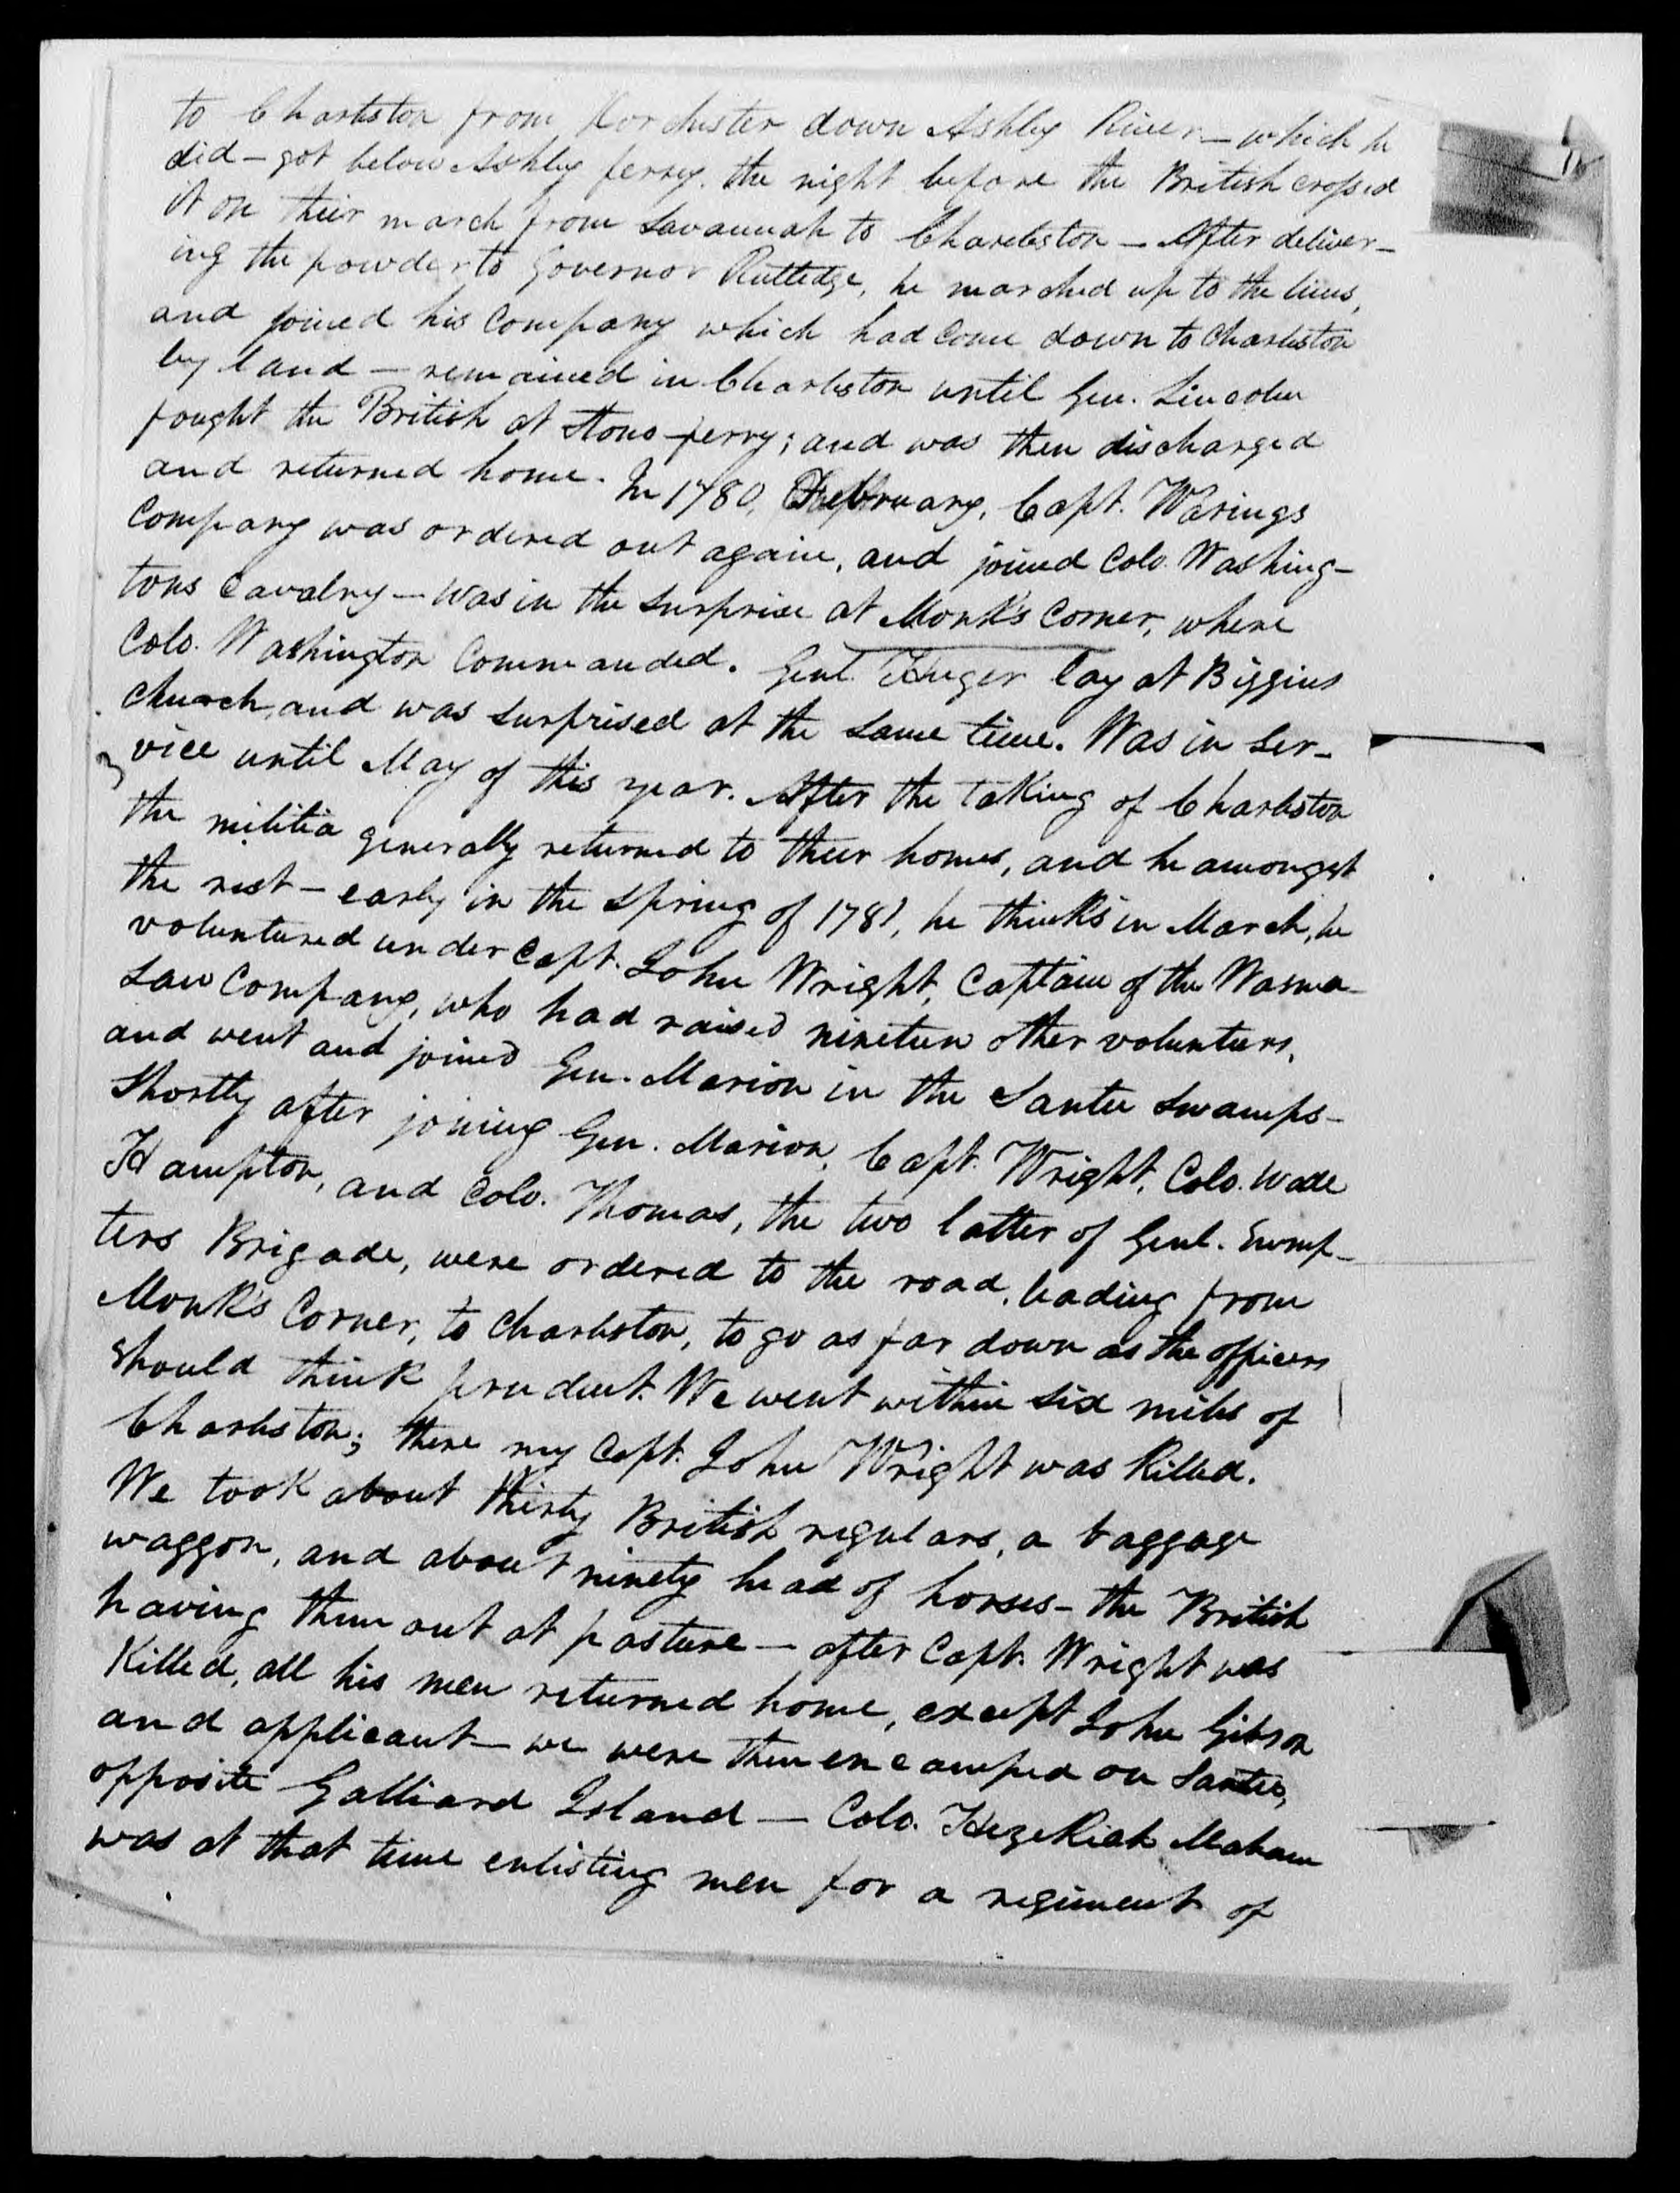to Charleston from Dorchester down Ashley River which he did- got below Ashley ferry the night before the British crossed it on their march from Savannah to Charleston-- After delivering the powder to Governor [John] Rutledge, he marched up to the lines and joined his company which had come down to Charleston by land remained in Charleston until Gen. [Benjamin] Lincoln fought the British at Stono ferry; and was then discharged and returned home. In 1780, February, Capt. Warings company was ordered out again, and joined Colo. [William] Washingtons Cavalry- was in the surprise at Monk's corner [Moncks Corner], where Colo. Washington commanded. Genl [Isaac] Huger lay at Biggins church, and was surprised at the same time. Was in service until May of this year. After the taking of Charleston the militia generally returned to their homes, and he amongst the rest early in the spring of 1781, he thinks in march, volunteered under Capt John Wright, Captain of the Wasmasaw Company, who had raised nineteen other volunteers and went and joined Gen. [Francis] Marion in the Santee Swamps. Shortly after joining Gen. Marion, Capt. Wright, Col Wade Hampton, and Colo. [John, Jr.] Thomas, the two latter of Genl [Thomas] Sumters Brigade, were ordered to the road leading from Monk's Corner to Charleston, to go as far down as the officers think prudent. We went within six miles of Charleston; there my Capt. John Wright was killed. We took about thirty British regulars, a baggage waggon, and about ninety head of horses-- the British having them out at pasture - after Capt Wright was killed, all his men returned home, except John Gibson and applicant - we were then encamped on Santee
opposite Galliard Island - [Lt.Col.] Colo. Hezekiah Mahan was at that time enlisting men for a regiment of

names: Wright, Thomas, Marion, Hezekiah Maham, John Wright, Huger, John Wright, Washington, John Gibson, Washington, Wright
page: 8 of 72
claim: widow's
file: W. 897, Thomas Broughton, S.C.